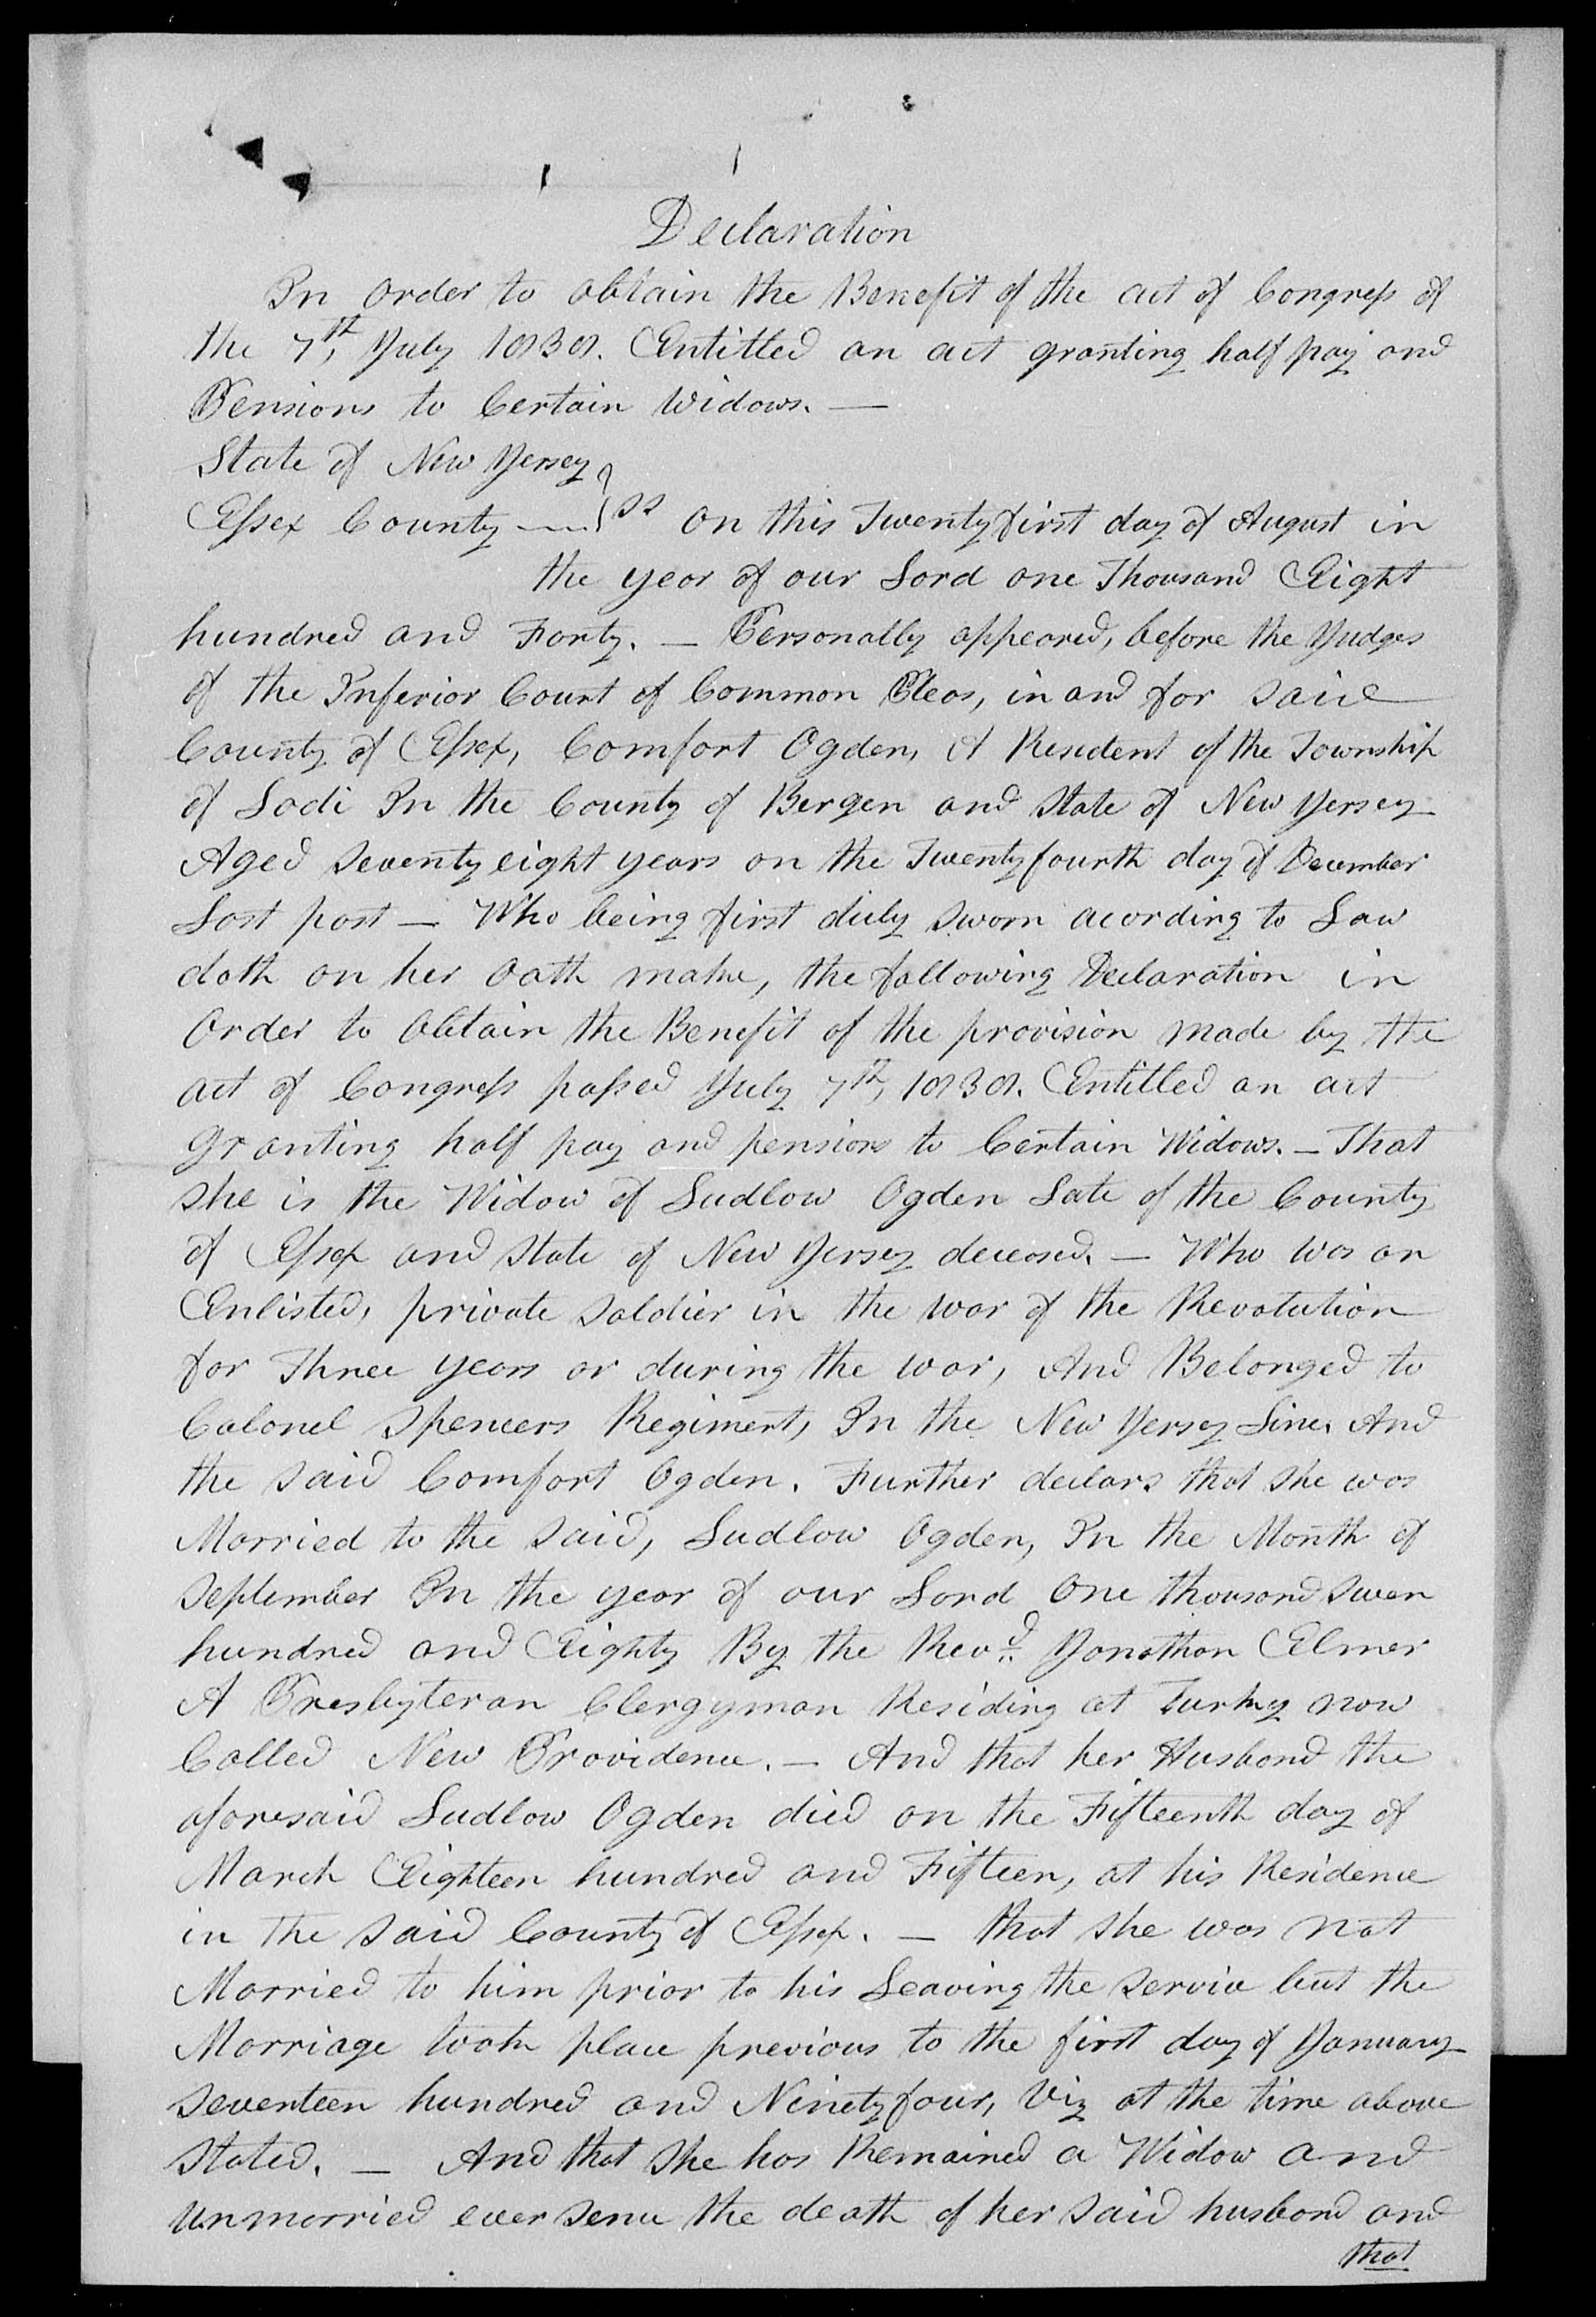Declaration

  In order to obtain the Benefit of the act of Congress of the 7th, July 1838.  Entitled an act granting half pay and Pensions to Certain Widows. - 
State of New Jersey  )
Essex County             ) ss
   On this Twenty first day of August in the year of our Lord on Thousand Eight hundred and Forty. - Personally appeared, before the Judges of the Inferior Court of Common Pleas, in and for said County of Essex, Comfort Ogden, A Resident of the Township of Lodi In the County of Bergen and State of New Jersey Aged Seventy eight years on the Twenty fourth day of December last past - Who being first duly sworn according to Law doth on her oath make the following Declaration in Order to obtain the Benefit of the provision made by the act of Congrerss passed July 7th, 1838, Entitled an act granting half pay and pensions to Certain Widows. - That she is the Widow of Ludlow Ogden late of the County of Essex and State of New Jersey deceased. - Who was an Enlisted private soldier in the war of the Revolution for Three years or during the war, And belonged to Colonel Spencers Regiment, In the New Jersey Lines And the said Comfort Ogden Further declares that she was Married to the said Ludlow Ogden, In the Month of September In the year of our Lord One thousand seven hundred and Eighty By the Revd. Jonathan Elmer A Presbyteran Clergyman Residing at Turkey now Called New Providence. - And that her Husband the aforesaid Ludlow Ogden died on the Fifteenth day of March Eighteen hundred and Fifteen, at his Residence in the said County of Essex. - that she was not Married to him prior to his leaving the service but the Marriage took place previous to the first day of January seventeen hundred and Ninetyfour, Viz at the time above stated. - And that she has Remained a Widow and unmarried ever since the death of her said husband and that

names: Comfort Ogden; Ludlow Ogden; Jonathan Elmer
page: 4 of 25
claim: widow's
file: W. 187, for Ludlow Ogden, New Jersey